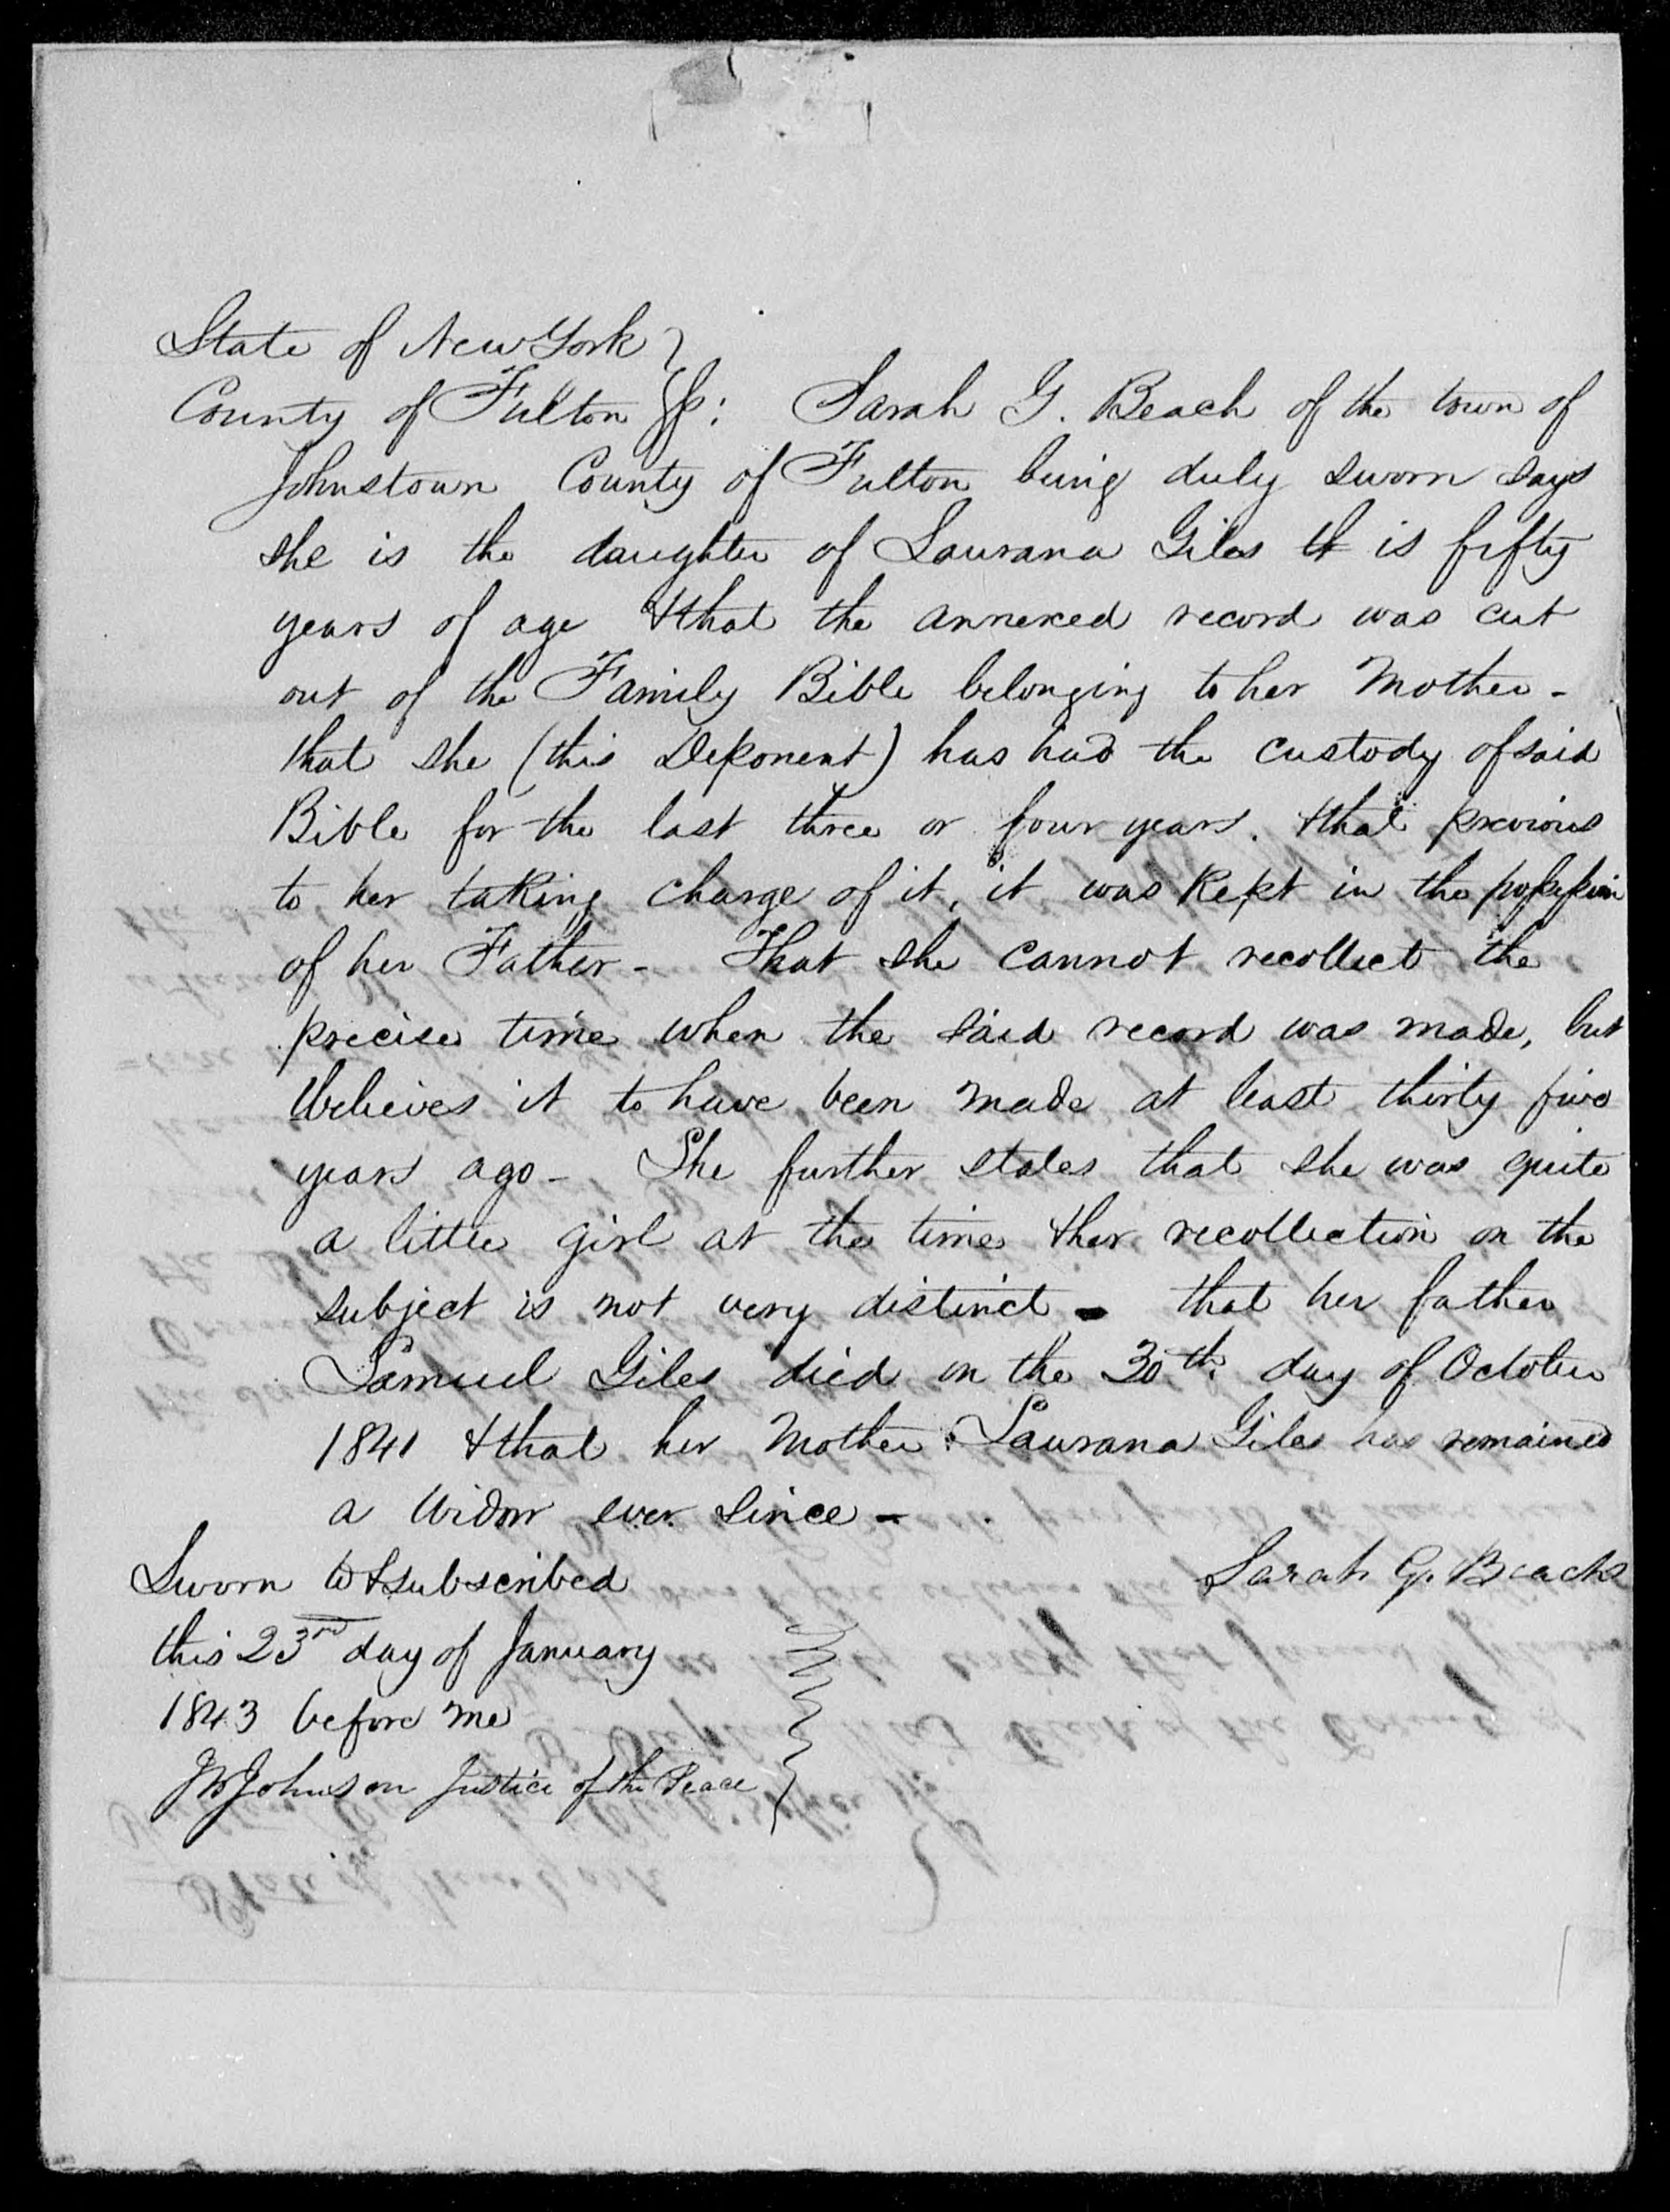State of New York,
 County of Fulton; Sarah G Beach of the town of Johnstown County of Fulton being duly sworn says she is the daughter of Saurana Giles is fifty years of age that the announced record was cut out of the Family Bible belonging to her mother. That she (this deponent) has had the custody of said Bible for the last three or four years. That previous to her taking charge of it, it was kept in the possession of her father. That she cannot recollect the precise time when the said record was made, but believes it to have been made at least thirty-five years ago. She further states that she was quite a little girl at the time her recollection on the subject is not very distinct that her father Samuel Giles died on the 30th day of October 1841 that her mother Saurana Giles has remained a widow ever since.
 Sarah G Beach
 Sworn and Transcribed this 23rd day of January 1843 before me Johnson Justice of the Peace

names: Laurana Giles, Samuel Giles, Sarah G Beach, Laurana Giles, Sarah G Beach, J W Johnson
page: 15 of 55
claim: widow's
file: W. 19503, Samuel Giles, Conti. Mass. New York